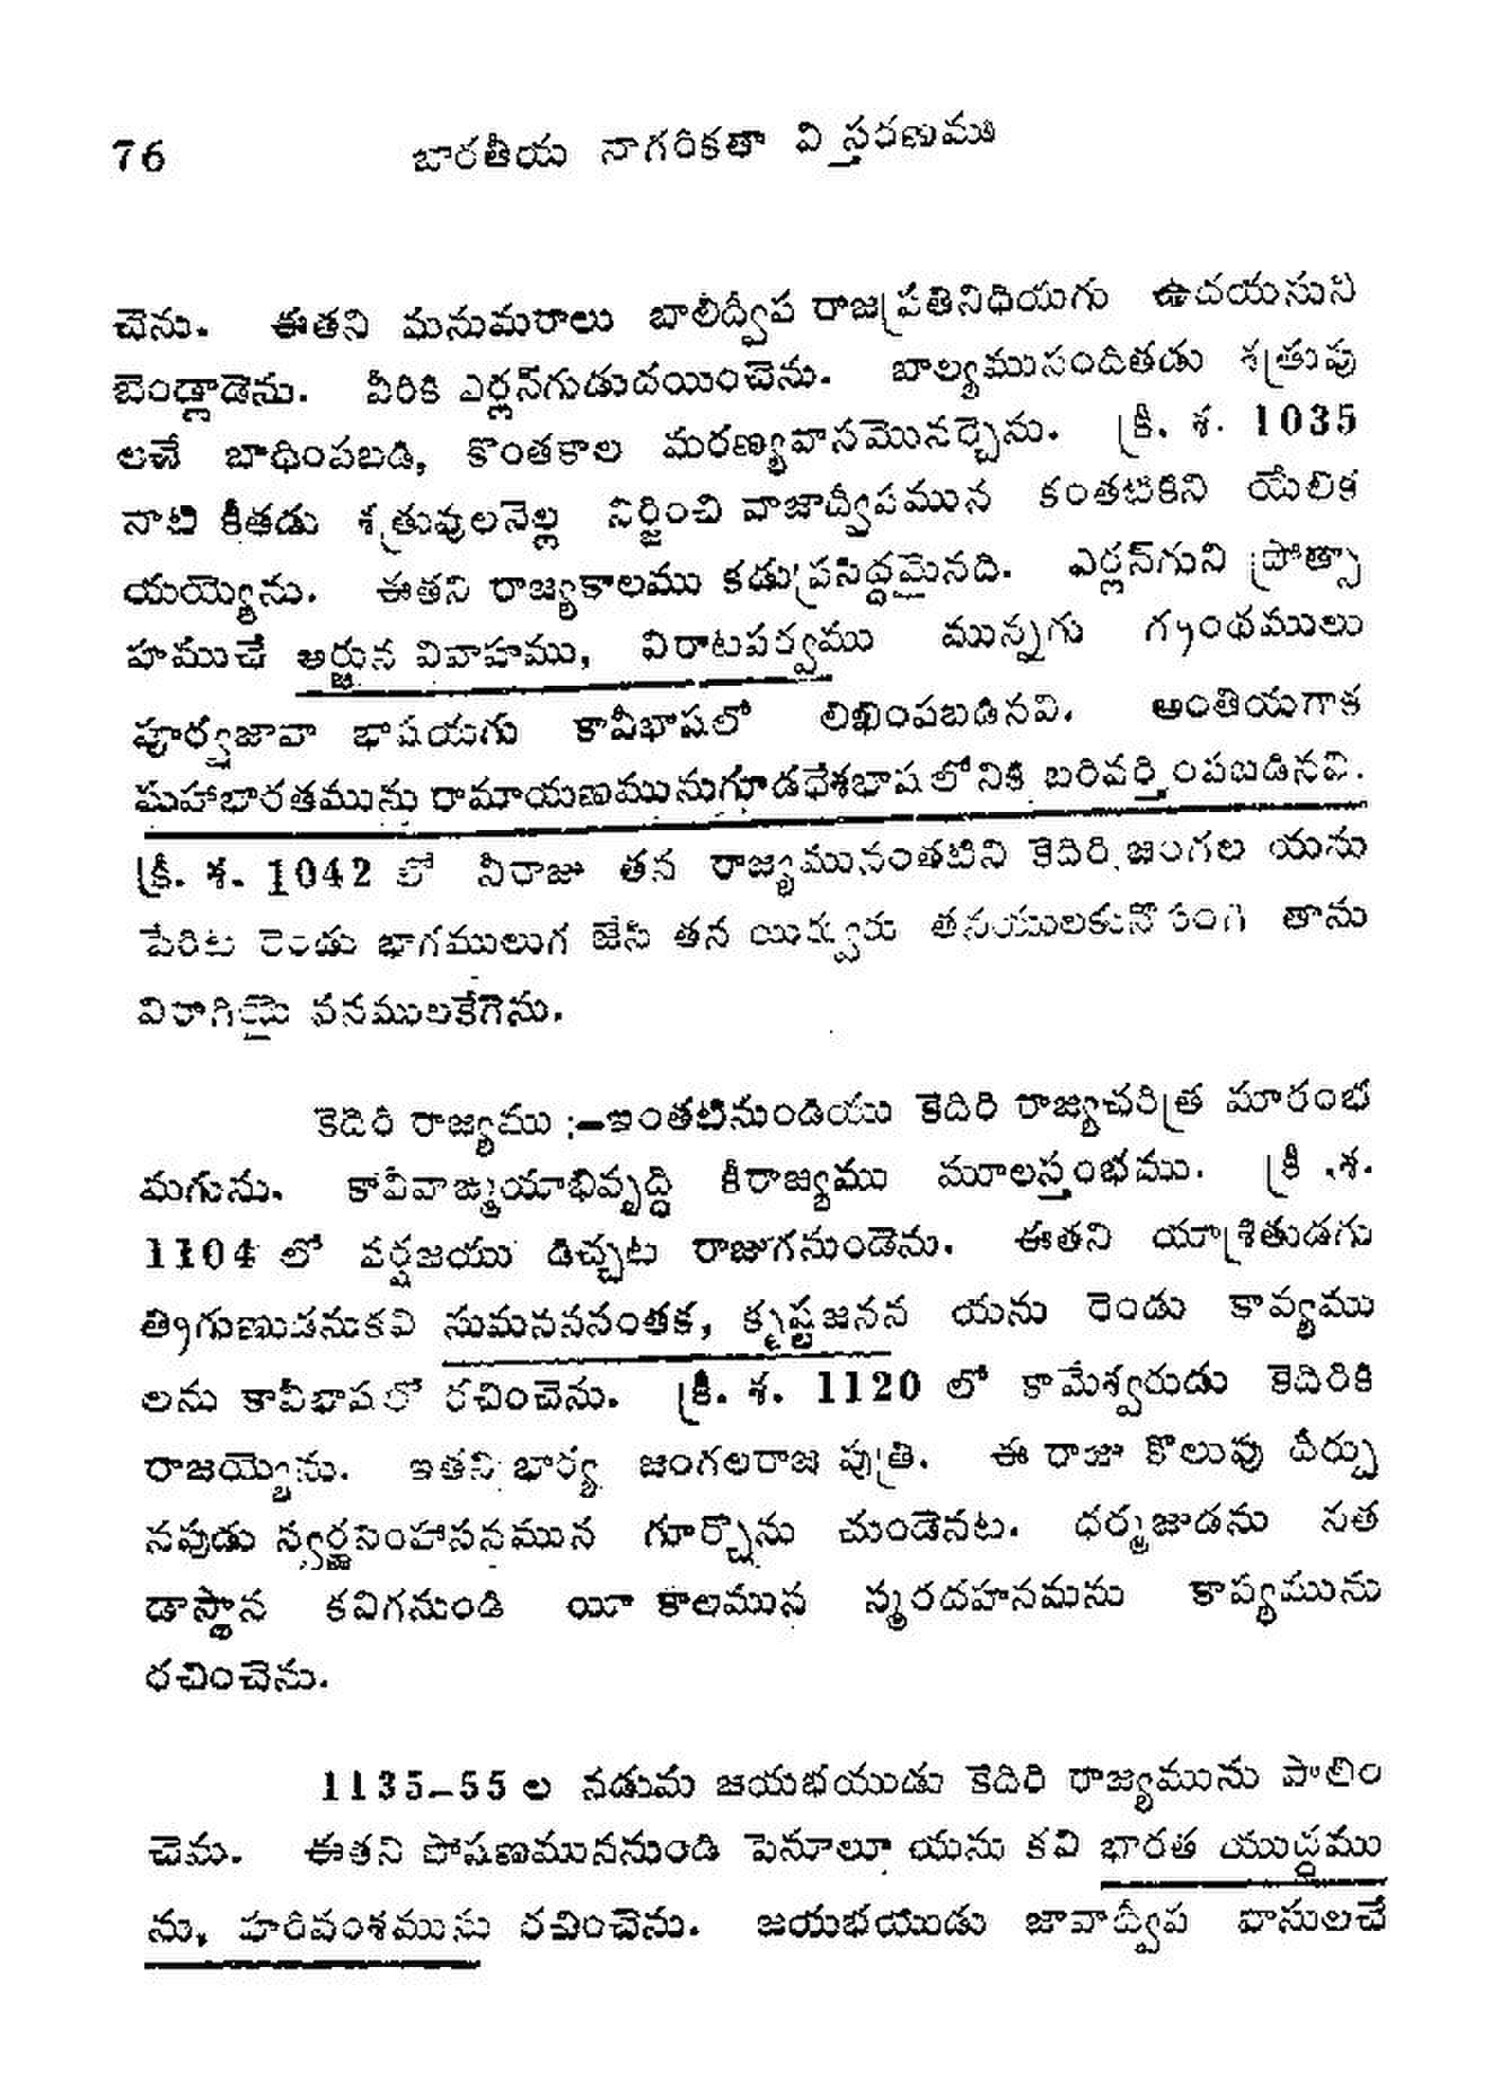చెను. ఈతని మనుమరాలు బాలిద్వీప రాజప్రతినిధియగు ఉదయనుని బెండ్లాడెను. వీరికి ఎర్లస్‌గుడుదయించెను. బాల్యమునందితడు శత్రువులచే బాధింపబడి, కొంతకాల మరణ్యవాసమొనర్చెను. క్రీ. శ. 1035 నాటి కీతడు శత్రువులనెల్ల నిర్జించి జావాద్వీపమున కంతటికిని యేలిక యయ్యెను. ఈతని రాజ్యకాలము కడుప్రసిద్ధమైనది. ఎర్లస్‌గుని ప్రోత్సాహముచే అర్జున వివాహము, విరాటపర్వము మున్నగు గ్రంథములు పూర్వజావా భాషయగు కావీభాషలో లొఖింపబడినవి. అంతియగాక మహాభారతమును రామాయణమును గూడ దేశభాషలోనికి బరివర్తింపబడినవి. క్రీ. శ. 1042 లో నీరాజు తన రాజ్యమునంతటిని కెదిరి జంగల యను పేరిట రెండు భాగములుగ జేసి తన యిర్వురు తనయులకునొసంగి తాను విరాగియై వనములకేగెను.

కెదిరి రాజ్యము :- ఇంతటినుండియు కెదిరి రాజ్యచరిత్ర మారంభమగును. కానీవాఙ్మయాభివృద్ధి కీరాజ్యము మూలస్తంభము. క్రీ. శ. 1104 లో వర్షజయు డిచ్చట రాజుగనుండెను. ఈతని యాశ్రితుడగు త్రిగుణుడనుకవి సుమసనసంతక, కృష్ణజనన యను రెండు కావ్యములను కావీభాషలో రచించెను. క్రీ. శ. 1120 లో కామేశ్వరుడు కెదిరికి రాజయ్యెను. ఇతని భార్య జంగలరాజ పుత్రి. ఈ రాజు కొలువు దీర్చునపుడు స్వర్ణసింహాసనమున గూర్చొను చుండెనట. ధర్మజుడను నతడాస్థాన కవిగనుండి యీ కాలమున స్మరదహసమను కావ్యమును రచించెను.

1135-55 ల నడుమ జయభయుడు కెదిరి రాజ్యమును పాలించెను. ఈతని పోషణముననుండి పెనూలూ యను కవి భారత యుద్దమును, హరివంశమును రచించెను. జయభయుడు జావాద్వీప వాసులచే